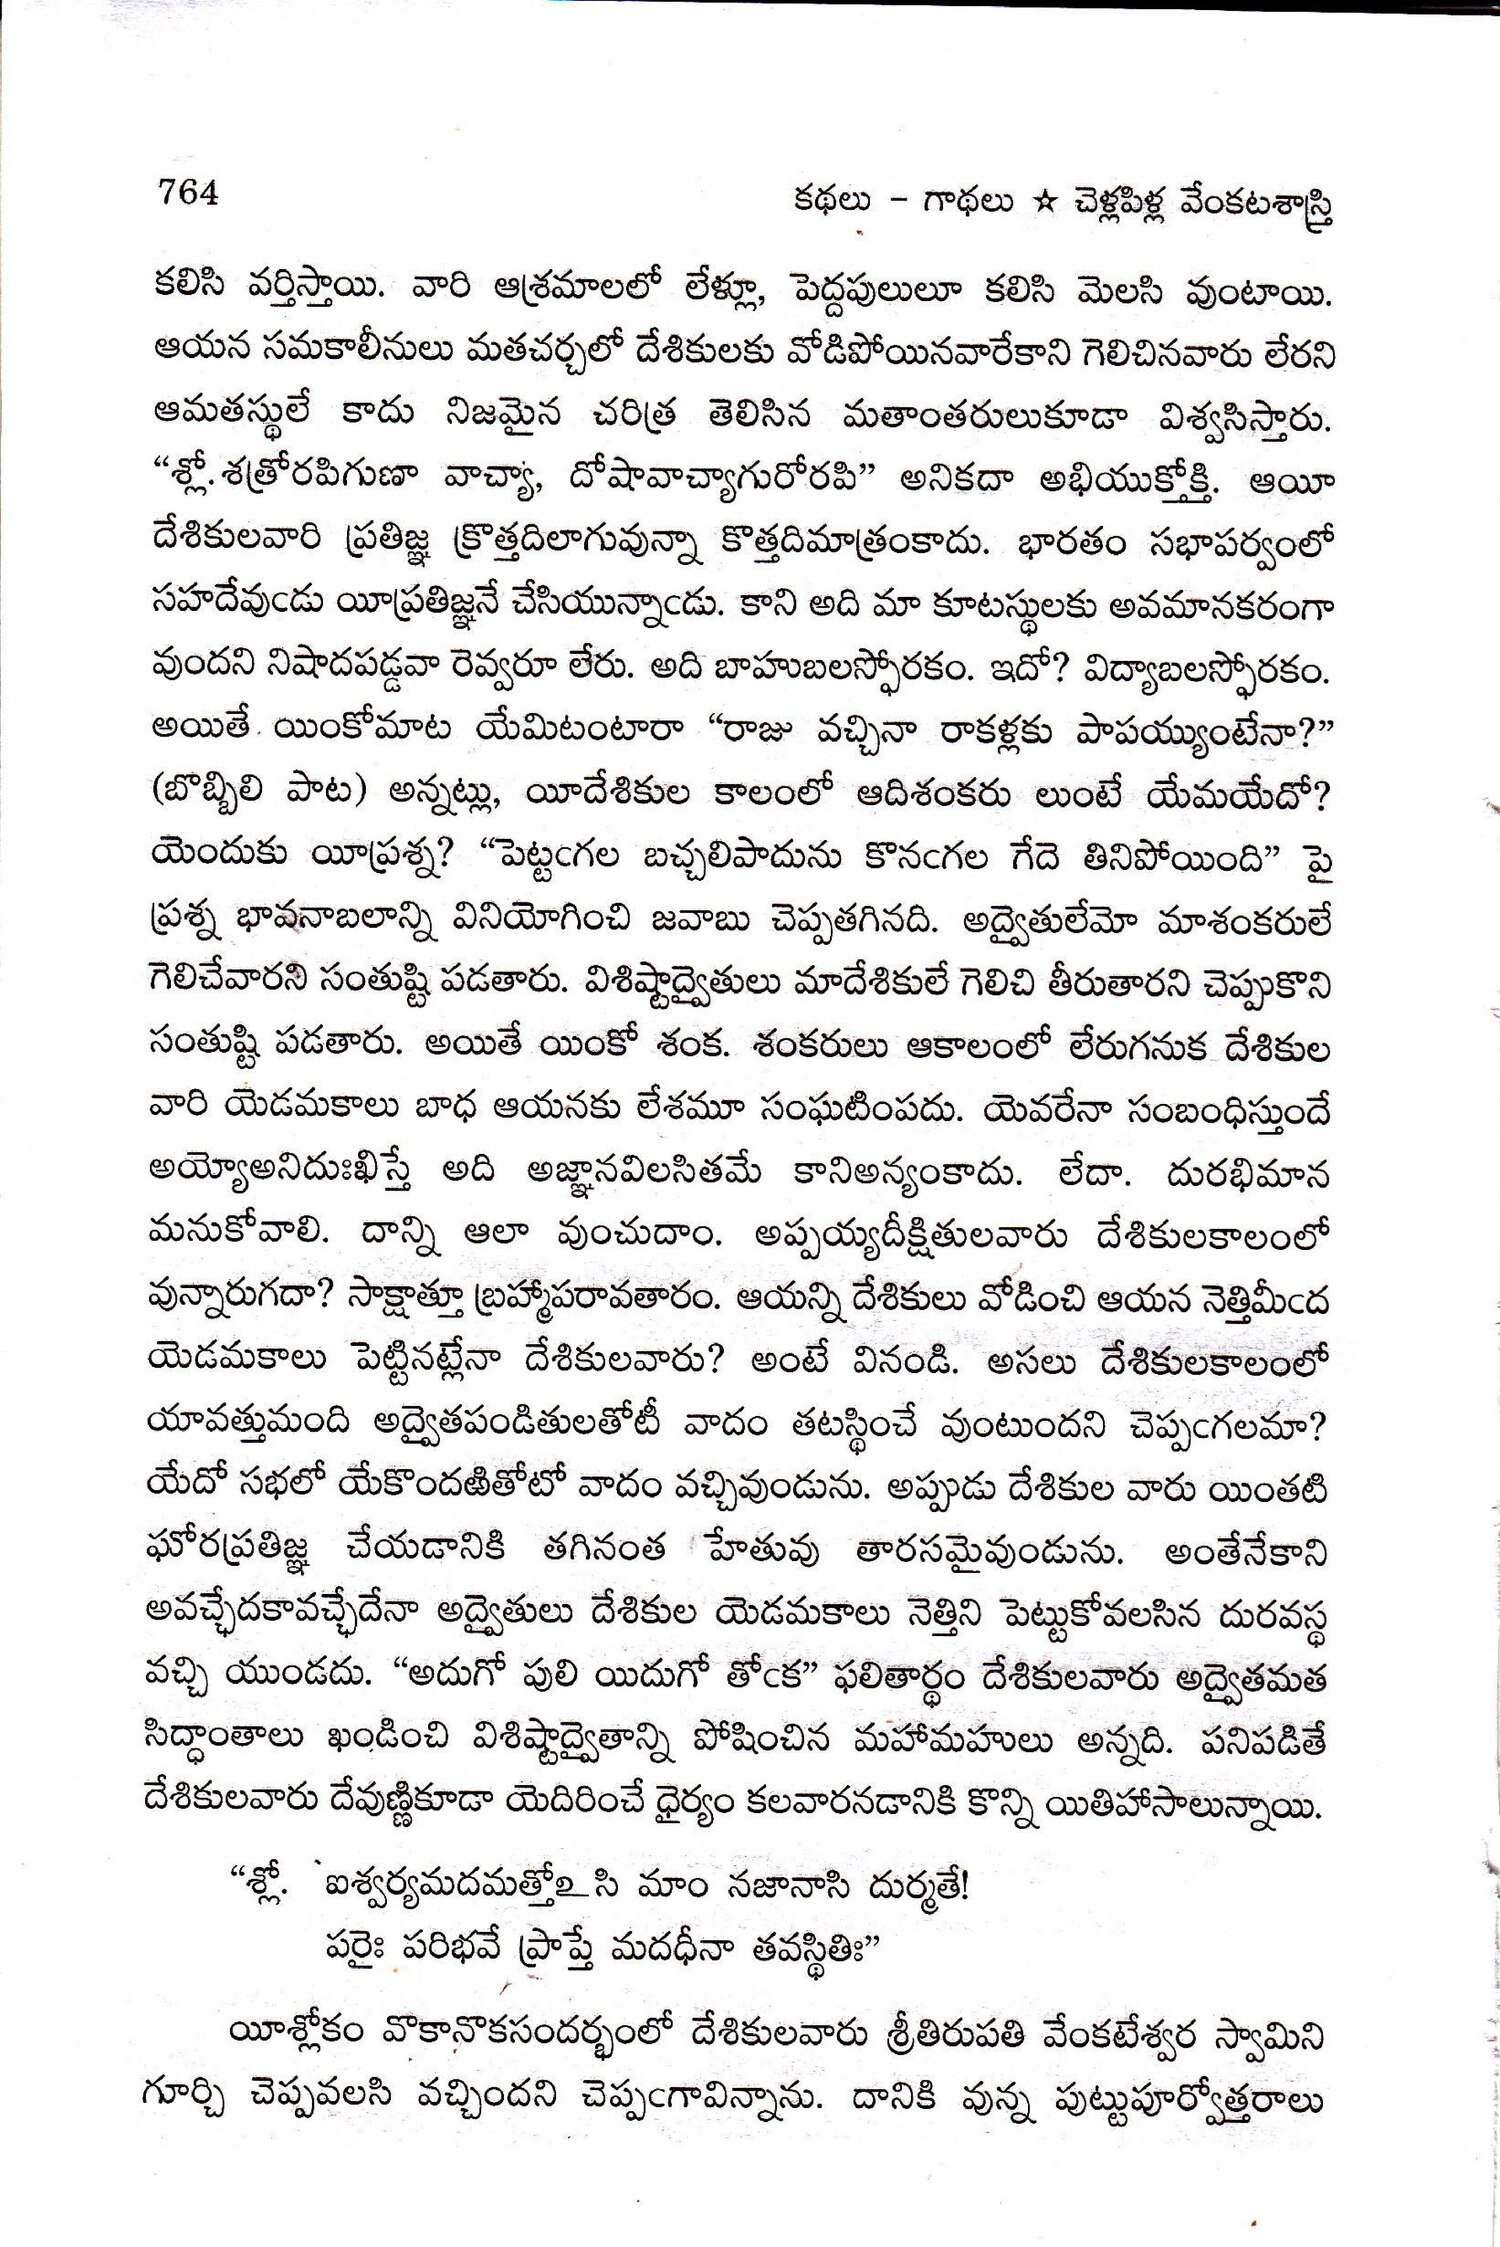కలిసి వర్తిస్తాయి. వారి ఆశ్రమాలలో లేళ్లూ, పెద్దపులులూ కలిసి మెలసి వుంటాయి. ఆయన సమకాలీనులు మతచర్చలో దేశికులకు వోడిపోయినవారేకాని గెలిచినవారు లేరని ఆమతస్థులే కాదు నిజమైన చరిత్ర తెలిసిన మతాంతరులుకూడా విశ్వసిస్తారు. “శ్లో. శత్రోరపిగుణా వాచ్యా, దోషావాచ్యాగురోరపి” అనికదా అభియుక్తోక్తి. ఆయీ దేశికులవారి ప్రతిజ్ఞ క్రొత్తదిలాగువున్నా కొత్తదిమాత్రంకాదు. భారతం సభాపర్వంలో సహదేవుఁడు యీప్రతిజ్ఞనే చేసియున్నాఁడు. కాని అది మా కూటస్థులకు అవమానకరంగా వుందని నిషాదపడ్డవా రెవ్వరూ లేరు. అది బాహుబలస్ఫోరకం. ఇదో? విద్యాబలప్ఫోరకం. అయితే, యింకోమాట యేమిటంటారా “రాజు వచ్చినా రాకళ్లకు పాపయ్యుంటేనా?” (బొబ్బిలి పాట) అన్నట్లు, యీదేశికుల కాలంలో ఆదిశంకరు లుంటే యేమయేదో? యెందుకు యీప్రశ్న? “పెట్టఁగల బచ్చలిపాదును కొనఁగల గేదె తినిపోయింది” పై ప్రశ్న భావనాబలాన్ని వినియోగించి జవాబు చెప్పతగినది. అద్వైతులేమో మాశంకరులే గెలిచేవారని సంతుష్టి పడతారు. విశిష్టాద్వైతులు మాదేశికులే గెలిచి తీరుతారని చెప్పుకొని సంతుష్టి పడతారు. అయితే యింకో శంక. శంకరులు ఆకాలంలో లేరుగనుక దేశికుల వారి యెడమకాలు బాధ ఆయనకు లేశమూ సంఘటింపదు. యెవరేనా సంబంధిస్తుందే అయ్యోఅనిదుఃఖిస్తే అది అజ్ఞానవిలసితమే కానిఅన్యంకాదు. లేదా, దురభిమాన మనుకోవాలి. దాన్ని ఆలా వుంచుదాం. అప్పయ్యదీక్షితులవారు దేశికులకాలంలో వున్నారుగదా? సాక్షాత్తూ బ్రహ్మాపరావతారం. ఆయన్ని దేశికులు వోడించి ఆయన నెత్తిమీఁద యెడమకాలు పెట్టినట్లేనా దేశికులవారు? అంటే వినండి. అసలు దేశికులకాలంలో యావత్తుమంది అద్వైతపండితులతోటీ వాదం తటస్థించే వుంటుందని చెప్పఁగలమా? యేదో సభలో యేకొందఱితోటో వాదం వచ్చివుండును. అప్పుడు దేశికుల వారు యింతటి ఘోరప్రతిజ్ఞ చేయడానికి తగినంత హేతువు తారసమైవుండును. అంతేనేకాని అవచ్ఛేదకావచ్చేదేనా అద్వైతులు దేశికుల యెడమకాలు నెత్తిని పెట్టుకోవలసిన దురవస్థ వచ్చి యుండదు. “అదుగో పులి యిదుగో తోఁక” ఫలితార్థం దేశికులవారు అద్వైతమత సిద్ధాంతాలు ఖండించి విశిష్టాద్వైతాన్ని పోషించిన మహామహులు అన్నది. పనిపడితే దేశికులవారు దేవుణ్ణికూడా యెదిరించే ధైర్యం కలవారనడానికి కొన్ని యితిహాసాలున్నాయి.

“శ్లో. ఐశ్వర్యమదమత్తో౽సి మాం నజానాసి దుర్మతే! 
 పరైః పరిభవే ప్రాప్తే మదధీనా తవస్థితిః"
యీశ్లోకం వొకానొకసందర్భంలో దేశికులవారు శ్రీతిరుపతి వేంకటేశ్వర స్వామిని గూర్చి చెప్పవలసి వచ్చిందని చెప్పఁగావిన్నాను. దానికి వున్న పుట్టుపూర్వోత్తరాలు